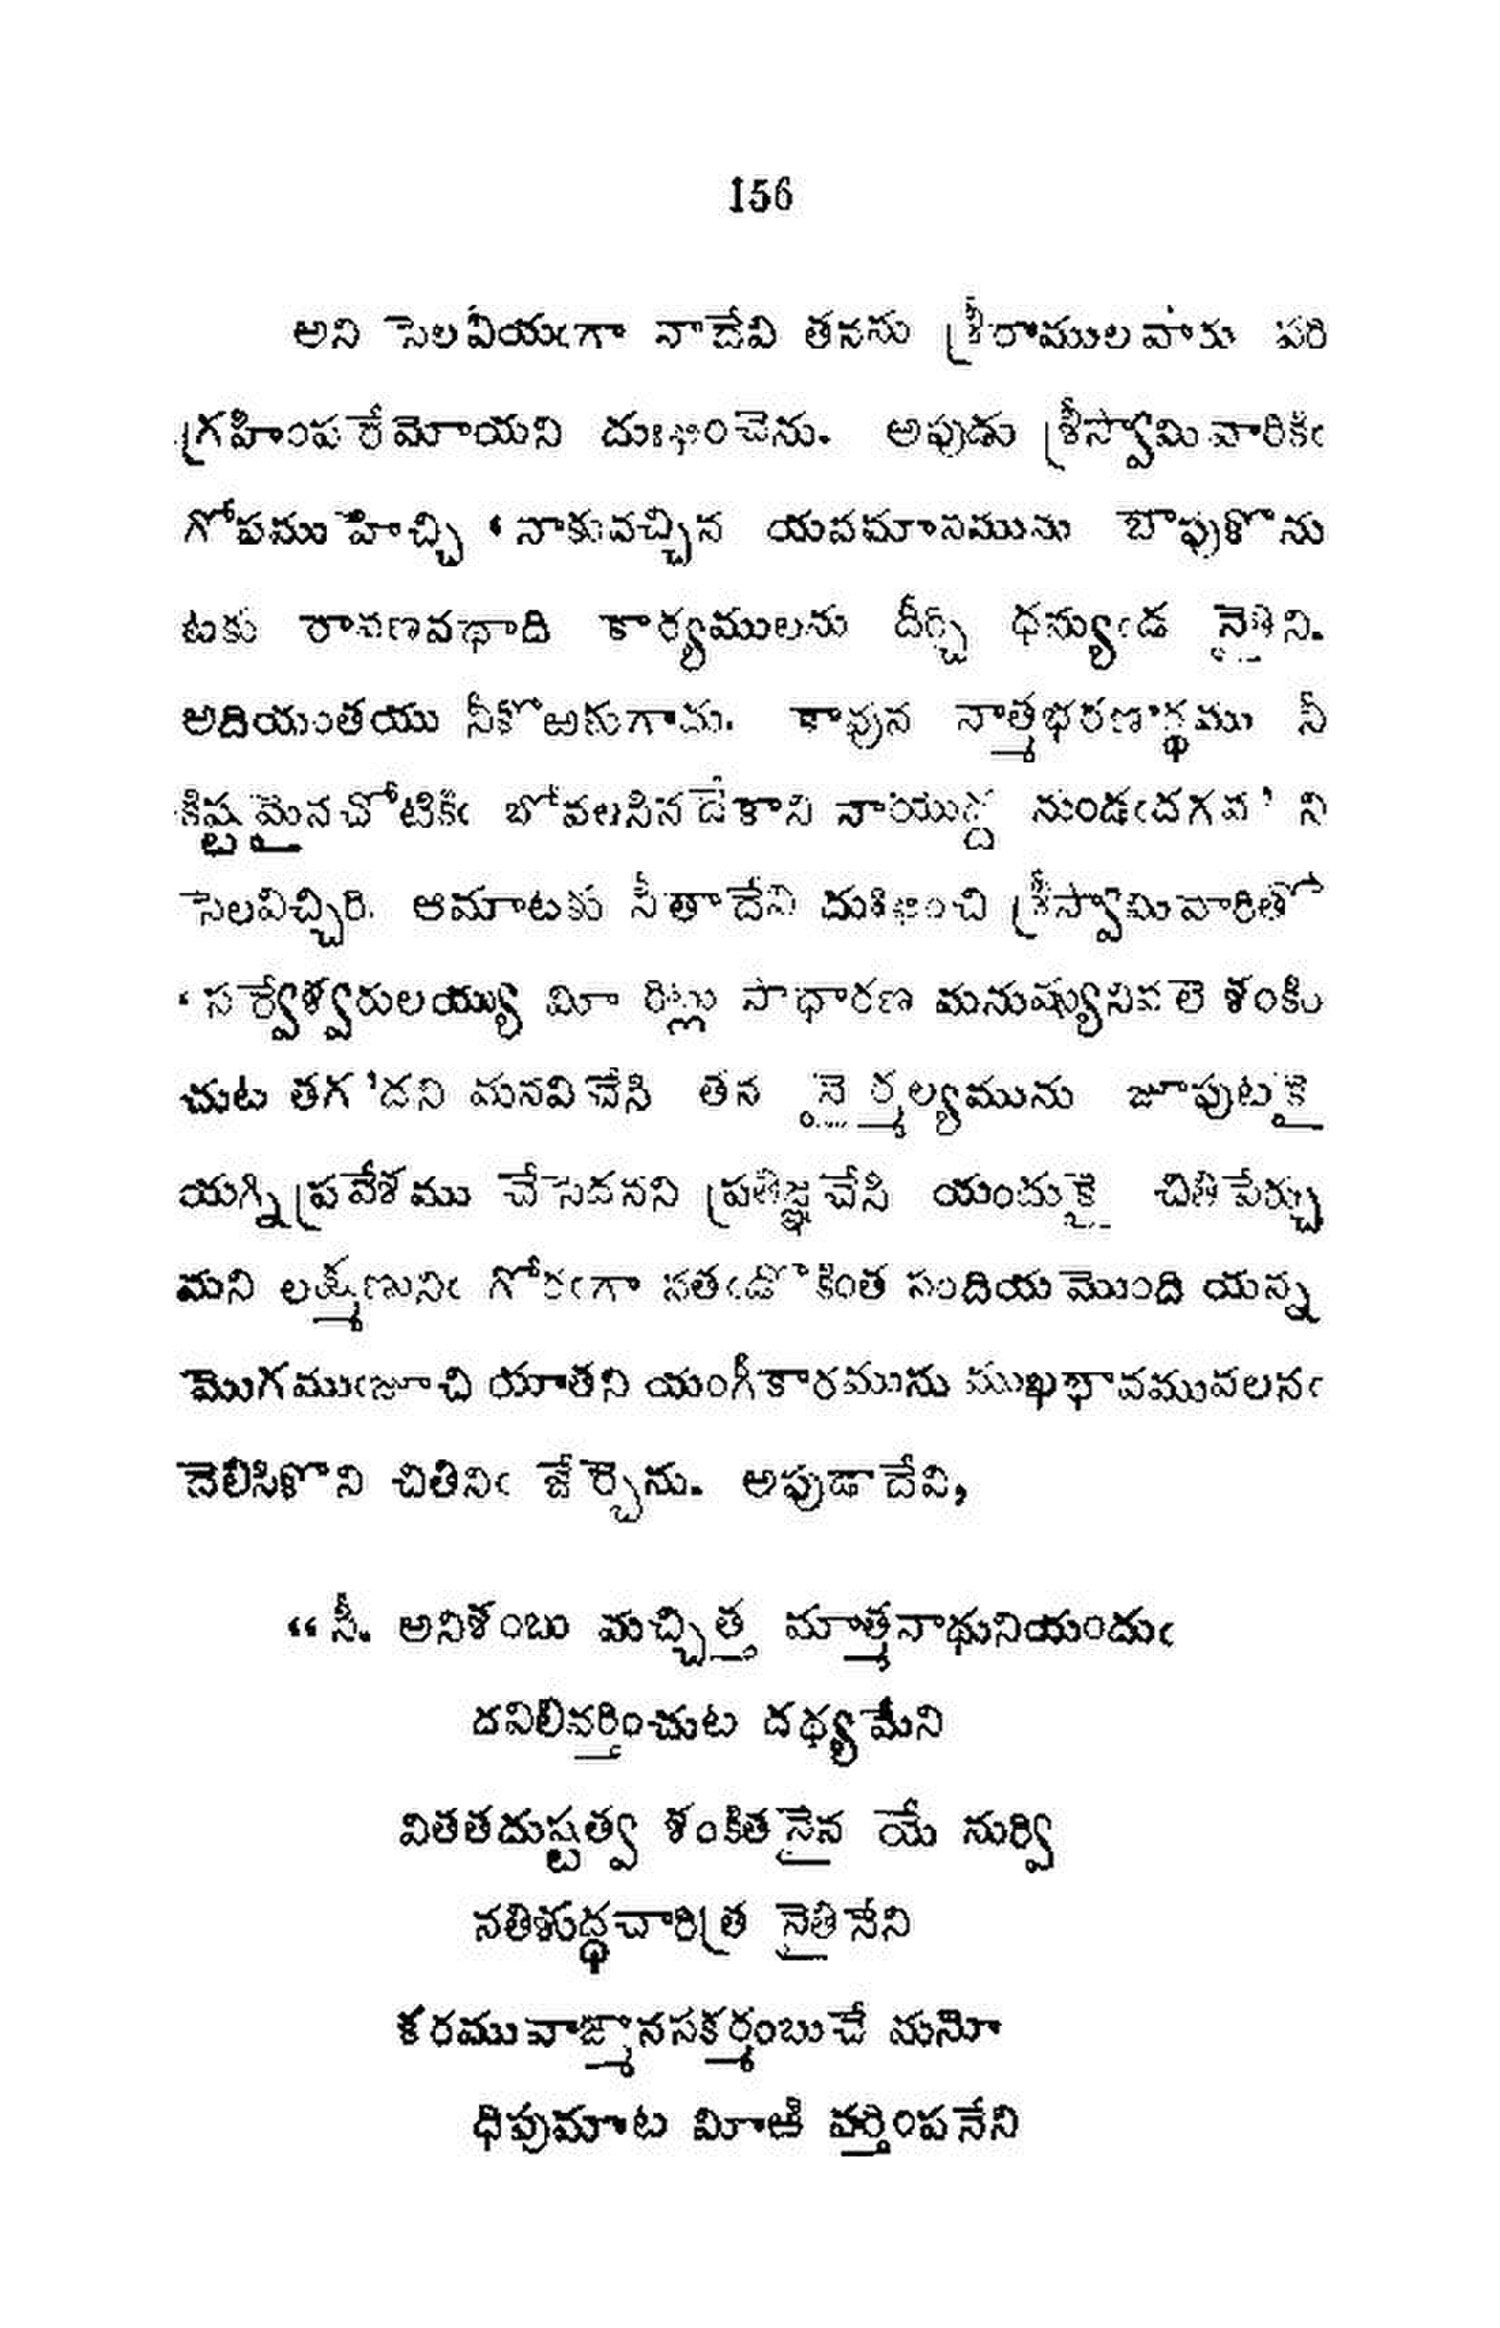అని సెలవీయఁగా నాదేవి తనను శ్రీరాములవారు పరిగ్రహింపరేమోయని దుః:ఖించెను. అపుడు శ్రీస్వామివారికిఁ గోపముహెచ్చి 'నాకువచ్చిన యవమానమును బాపుకొనుటకు రావణవథాది కార్యములను దీర్చి ధన్యుఁడ నైతిని. అదియంతయు నీకొఱకుగాదు. కావున నాత్మభరణార్థము నీ
కిష్టమైనచోటికిఁ బోవలసినదేకాని నాయొద్ద నుండఁదగవ ' ని సెలవిచ్చిరి. ఆమాటకు సీతాదేవి దుఃఖించి శ్రీస్వామివారితో 'సర్వేశ్వరులయ్యు మీ రిట్లు సాధారణ మనుష్యునివలె శంకించుట తగ 'దని మనవిచేసి తన నిర్మల్యమును జూపుటకై యగ్నిప్రవేశము చేసెదనని ప్రతిజ్ఞచేసి యందుకై చితిపేర్చు
మని లక్ష్మణునిఁ గోరఁగా నతఁడొకింత సందియ మొంది యన్న మొగముఁజూచి యాతని యంగీకారమును ముఖభావమువలనఁ దెలిసికొని చితినిఁ జేర్చెను. అపుడాదేవి,

సీ. "అనిశంబు మచ్చిత్త మాత్మనాథునియందుఁ
 దవిలివర్తించుట దథ్యమేని
 వితతదుష్టత్వ శంకితనైన యే నుర్వి
 నతిశుద్ధచారిత్ర నైతినేని
 కరమువాజ్ఞ్మానసకర్మంబుచే మనో
 ధిపుమాట మీఱి వర్తింపనేని